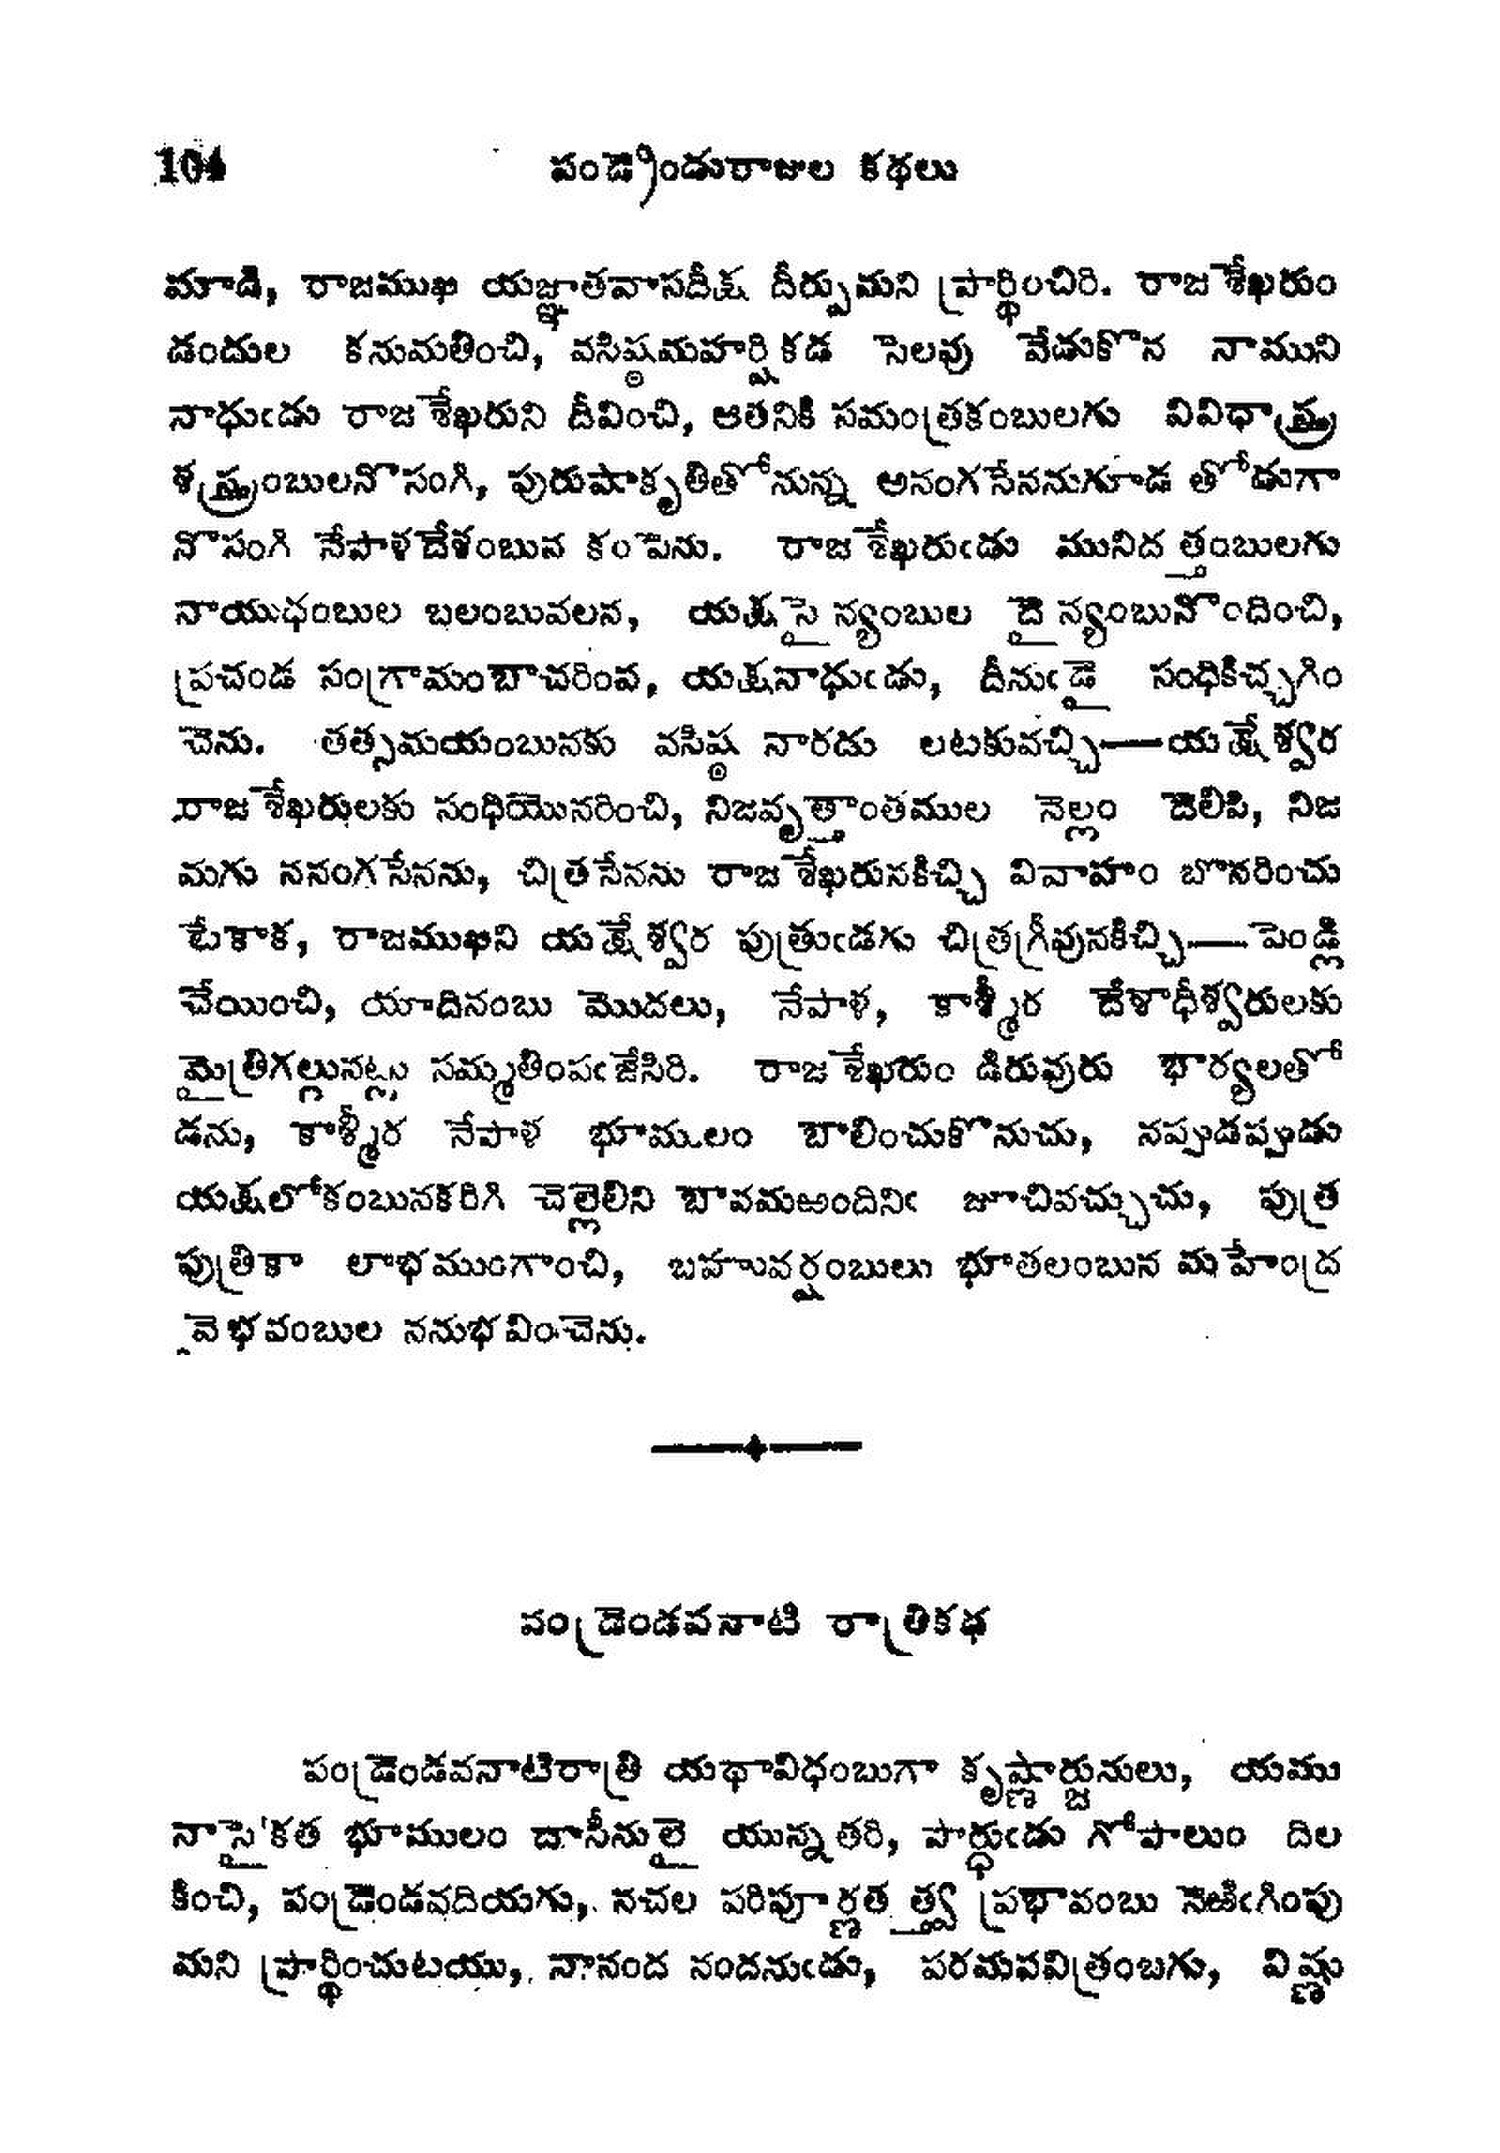మాడి, రాజముఖి యజ్ఞాతవాసదీక్ష దీర్పుమని ప్రార్థించిరి. రాజ శేఖరుం డందుల కనుమతించి, వసిష్ఠమహర్షికడ సెలవు వేడుకొన నామునిసాధుఁడు రాజశేఖరుని దీవించి, ఆతనికి సమంత్రకంబులగు వివిధాస్త్ర శస్త్రంబులనొసంగి, పురుషాకృతితో నున్న అనంగసేననుగూడ తోడుగా నొసంగి నేపాళ దేశంబున కంపెను. రాజశేఖరుఁడు మునిదత్తంబులగు నాయుధంబుల బలంబువలన, యక్షసైన్యంబుల దైన్యంబునొందించి, ప్రచండ సంగ్రామం బాచరింప, యక్షనాధుఁడు, దీనుఁడై సంధి కిచ్చగించెను. తత్సమయంబునకు వసిష్ఠ నారడు లటకువచ్చి——యక్షేశ్వర రాజశేఖరులకు సంధి యొనరించి, నిజ వృత్తాంతముల నెల్లం దెలిపి, నిజమగు ననంగసేనను, చిత్రసేనను రాజశేఖరునకిచ్చి వివాహం బొనరించుటేకాక, రాజముఖిని యక్షేశ్వర పుత్రుఁడగు చిత్రగ్రీవునకిచ్చి——పెండ్లి చేయించి, యాదినంబు మొదలు, నేపాళ, కాశ్మీర దేశాధీశ్వరులకు మైత్రిగల్గునట్లు సమ్మతింపఁ జేసిరి. రాజశేఖరుం డిరువురు భార్యలతోడను, కాశ్మీర నేపాళ భూములం బాలించుకొనుచు, నప్పుడప్పుడు యక్షలోకంబునకరిగి చెల్లెలిని బావమఱందినిఁ జూచివచ్చుచు, పుత్రపుత్రికా లాభముం గాంచి, బహువర్షంబులు భూతలంబున మహేంద్ర వైభవంబుల ననుభవించెను.

పండ్రెండవనాటి రాత్రి యధావిధంబుగా కృష్ణార్జునులు, యమునాసై'కత భూములం దాసీనులై యున్నతరి, పొర్ధుఁడు గోపాలుం దిలకించి, పండ్రెండవదియగు, నచల పరిపూర్ణతత్త్వ ప్రభావంబు నెఱిఁగింపు మని ప్రార్థించుటయు, నానంద నందనుఁడు, పరమపవిత్రంబగు, విష్ణు